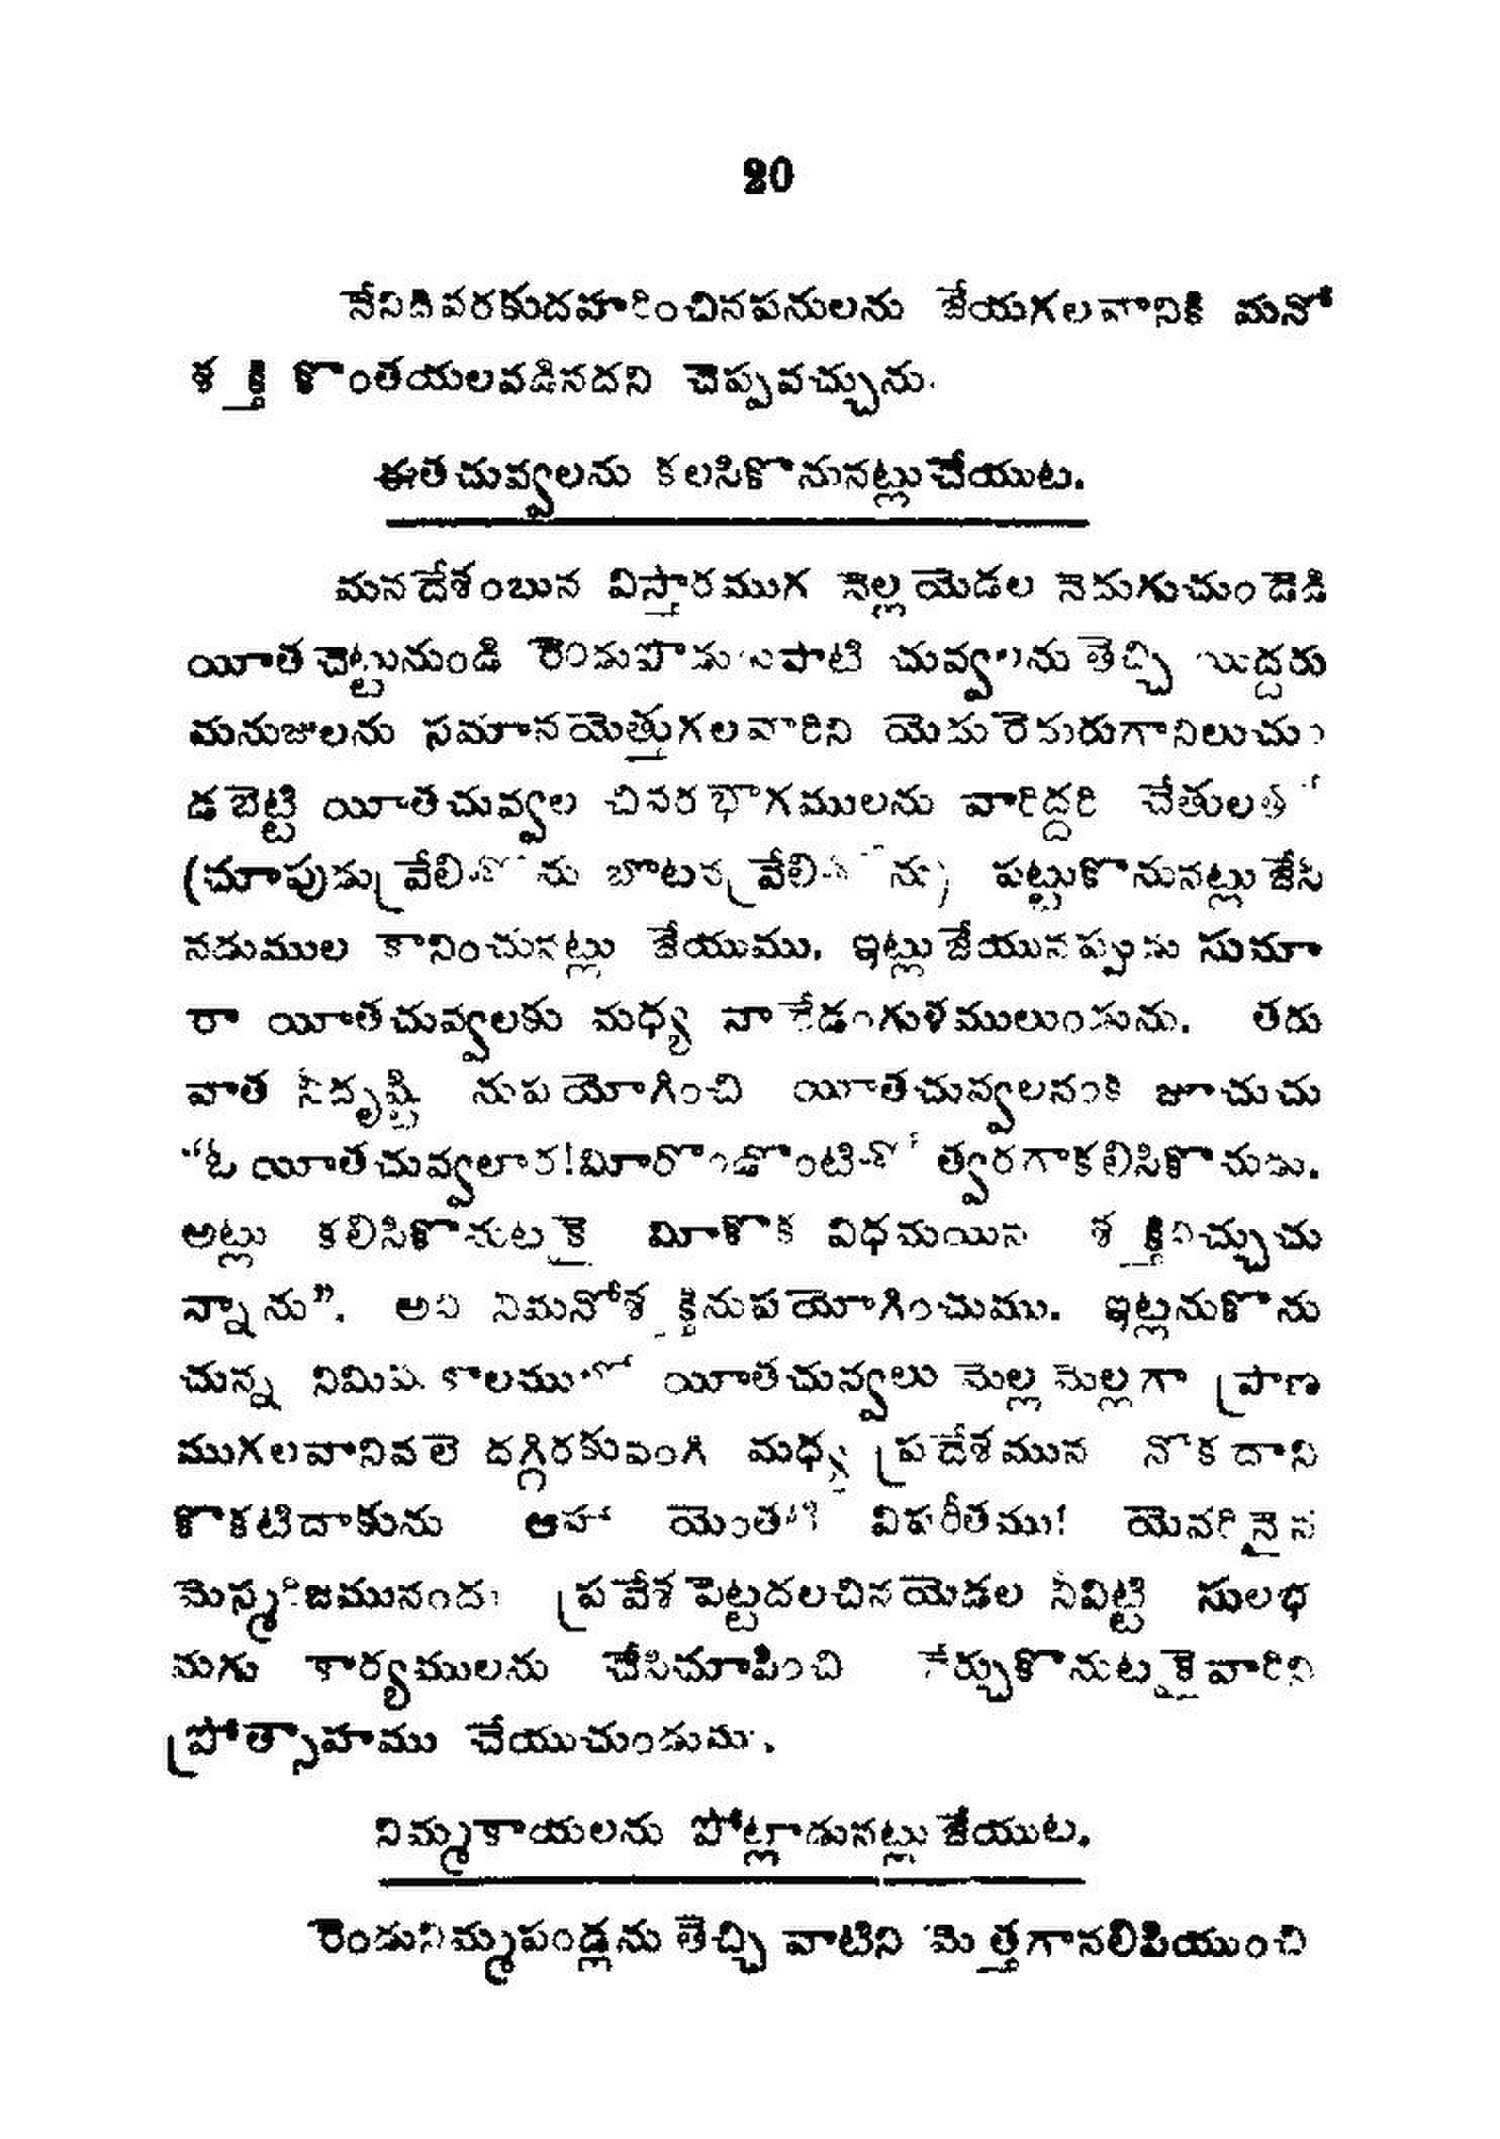నేనిదివరకుదహరించినపనులను జేయగలవానికి మనోశక్తి కొంతయలవడినదని చెప్పవచ్చును.

మనదేశంబున విస్తారముగ నెల్లయెడల నెదుగుచుండెడి యీతచెట్టునుండి రెండుపొడుగుపాటి చువ్వలనుతెచ్చి ఇద్దరు మనుజులను సమానయెత్తుగలవారిని యెదురెదురుగానిలుచుండబెట్టి యీతచువ్వల చివరభాగములను వారిద్దరి చేతులతో (చూపుడువ్రేలితోను బొటనవ్రేలితోను) పట్టుకొనునట్లుజేసి నడుముల కానించునట్లు జేయుము. ఇట్లుజేయునప్పుడు సుమారా యీతచువ్వలకు మధ్య నారేడంగుళములుండును. తరువాత నీదృష్టి నుపయోగించి యీతచువ్వలవంక జూచుచు "ఓ యీతచువ్వలార! మీరొండొంటితో త్వరగాకలిసికొనుడు. అట్లు కలిసికొనుటకై మీకొక విధమయిన శక్తినిచ్చుచున్నాను”, అని నీమనోశక్తినుపయోగించుము. ఇట్లనుకొనుచున్న నిమిష కాలములో యీతచువ్వలు మెల్ల మెల్లగా ప్రాణముగలవానివలె దగ్గిరకువంగి మధ్య ప్రదేశమున నొకదాని కొకటిదాకును ఆహా యెంతటి విపరీతము! యెవరినైన మెస్మరిజమునందు ప్రవేశపెట్టదలచినయెడల నీవిట్టి సులభమగు కార్యములను చేసిచూపించి నేర్చుకొనుటకైవారిని ప్రోత్సాహము చేయుచుండుము.

రెండునిమ్మపండ్లను తెచ్చి వాటిని మెత్తగా నలిపియుంచి